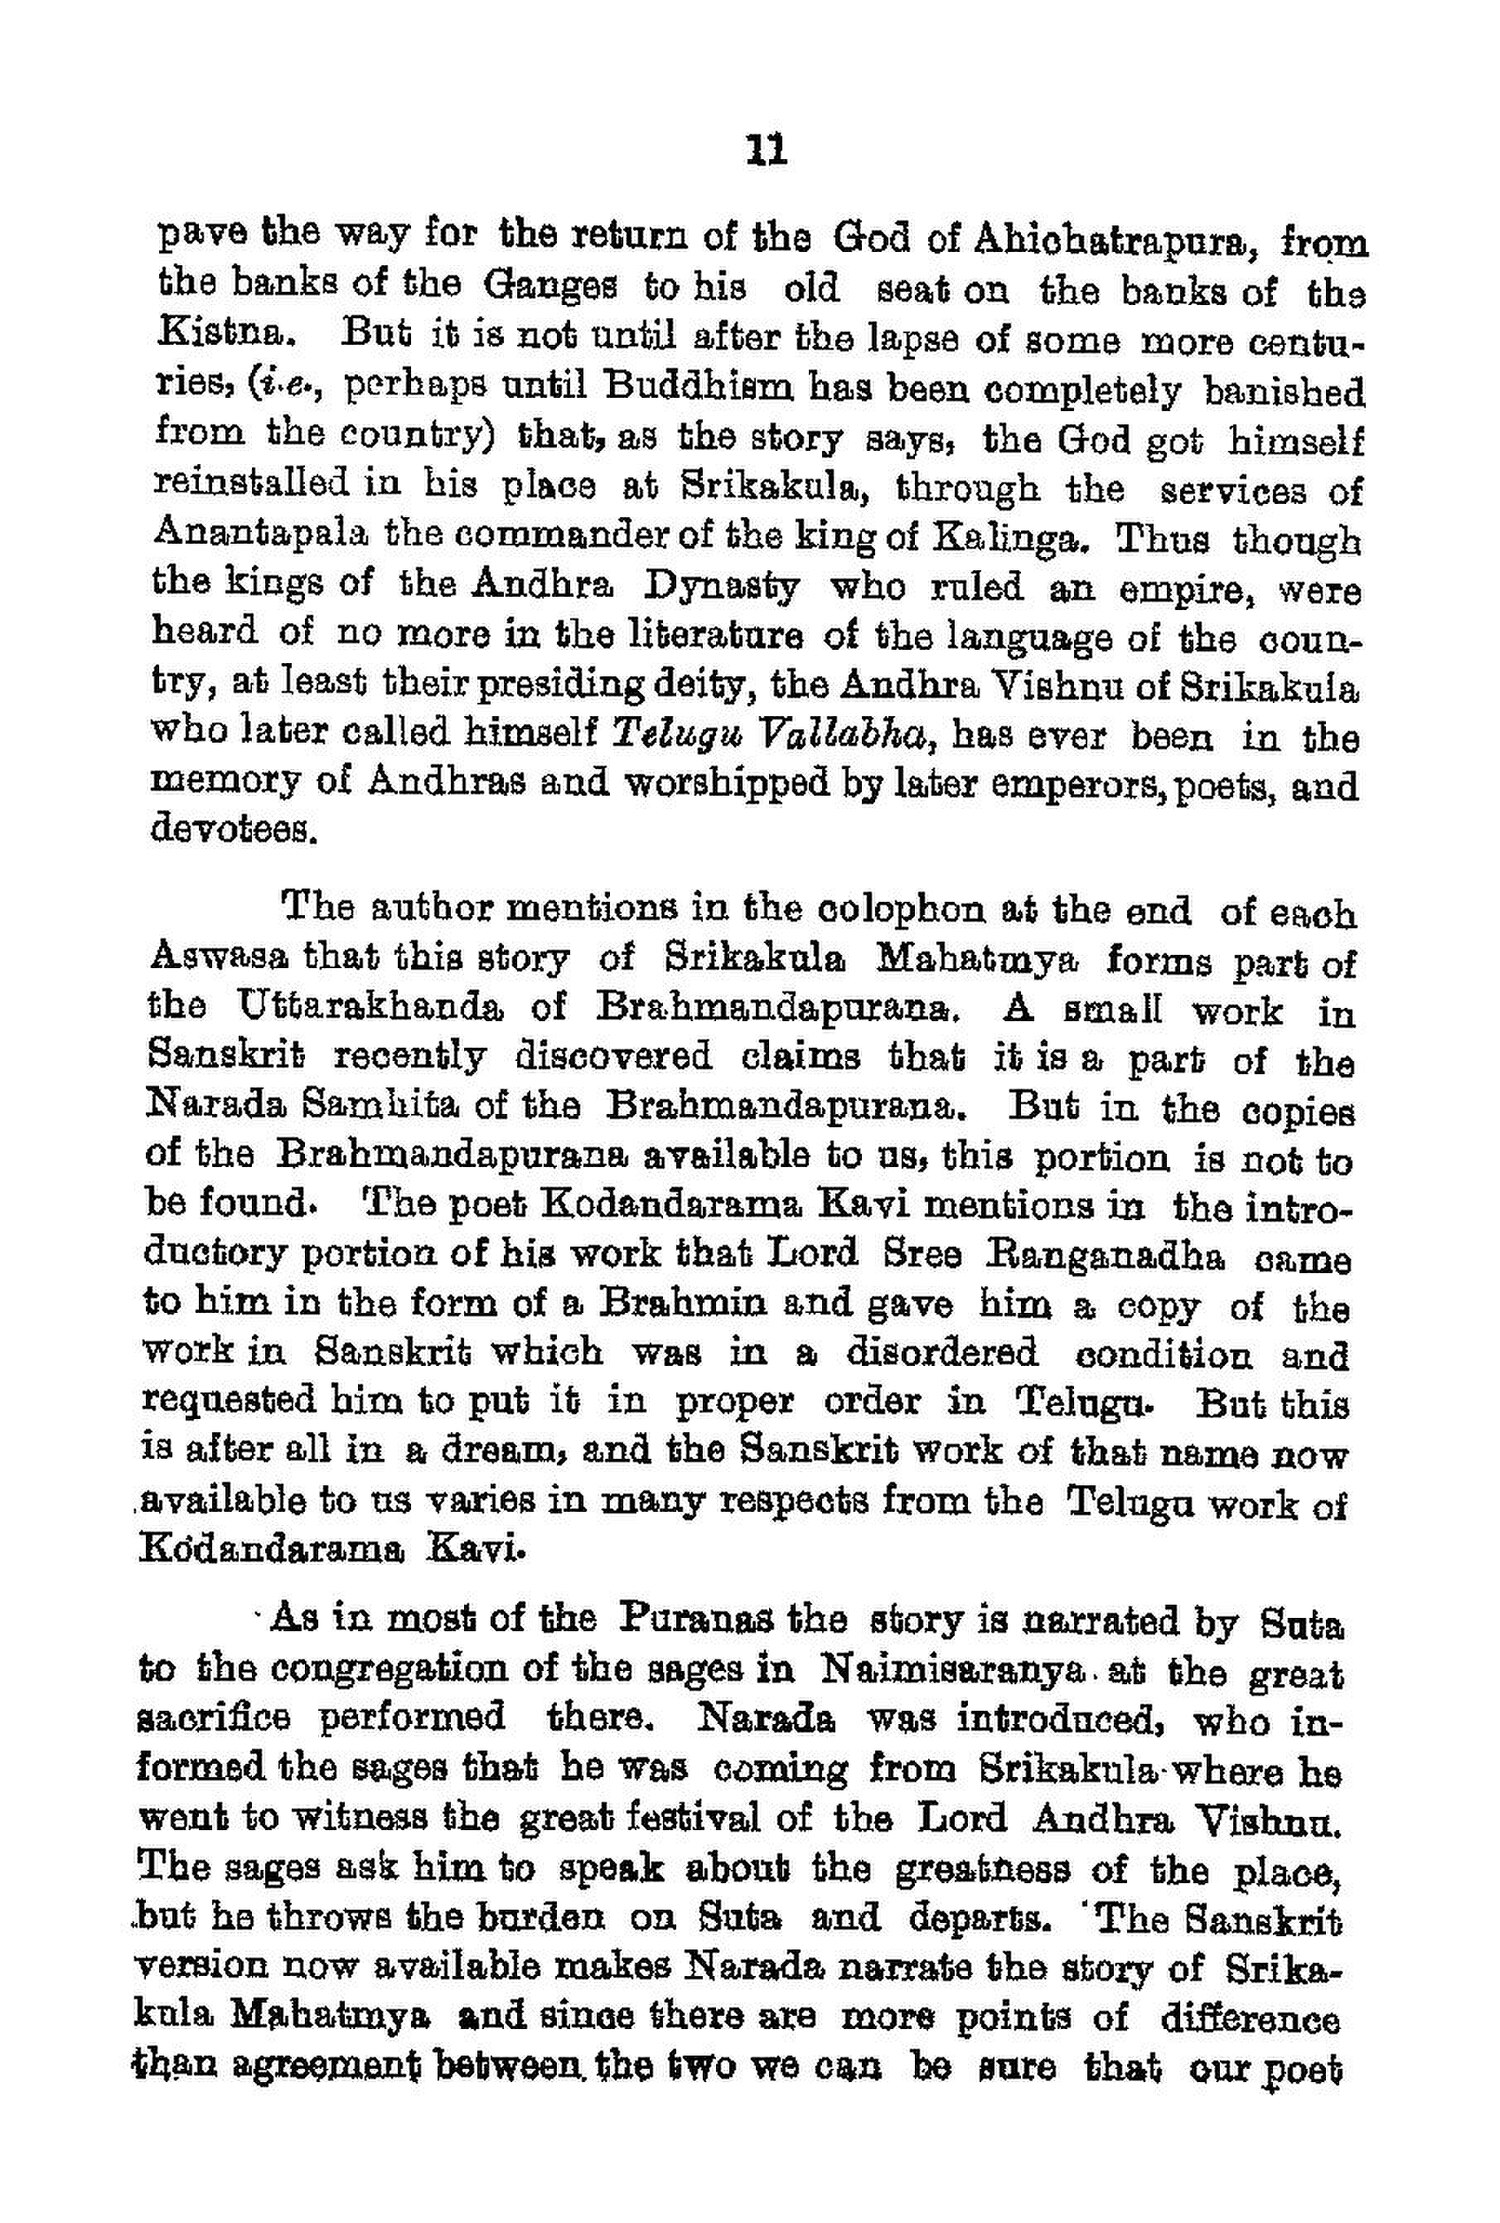pave the way for the return of the God of Ahichatrapura, from the banks of the Ganges to his old seat on the banks of the Kistna. But it is not until after the lapse of some more centuries, (i.e, perhaps until Buddhism has been completely banished from the country) that, as the story says, the God got himself reinstalled in his place at Srikakula, through the services of Anantapala the commander of the king of Kalinga. Thus though the kings of the Andhra Dynasty who ruled an empire, were heard of no more in the literature of the language of the country, at least their presiding deity, the Andhra Vishnu of Srikakula who later called himself Telugu Vallabha, has ever been in the memory of Andhras and worshipped by later emperors, poets, and devotees.

The author mentions in the colophon at the end of each Aswasa that this story of Srikakula Mahatmya forms part of the Uttarakhanda of Brahmandapurana. A small work in Sanskrit recently discovered claims that it is a part of the Narada Samhita of the Brahmandapurana. But in the copies of the Brahmanda purana available to us, this portion is not to be found. The poet Kodandarama Kavi mentions in the introductory portion of his work that Lord Sree Ranganadha came to him in the form of a Brahmin and gave him a copy of the work in Sanskrit which was in a disordered condition and requested him to put it in proper order in Telugu. But this is after all in a dream, and the Sanskrit work of that name now
available to us varies in many respects from the Telugu work of Kodandarama Kavi.

As in most of the Puranas the story is narrated by Suta to the congregation of the sages in Naimisaranya at the great sacrifice performed there. Narada was introduced, who informed the sages that he was coming from Srikakula where he went to witness the great festival of the Lord Andhra Vishnu. The sages ask him to speak about the greatness of the place, but he throws the burden on Suta and departs. The Sanskrit version now available makes Narada narrate the story of Srikakula Mahatmya and since there are more points of difference than agreement between the two we can be sure that our poet